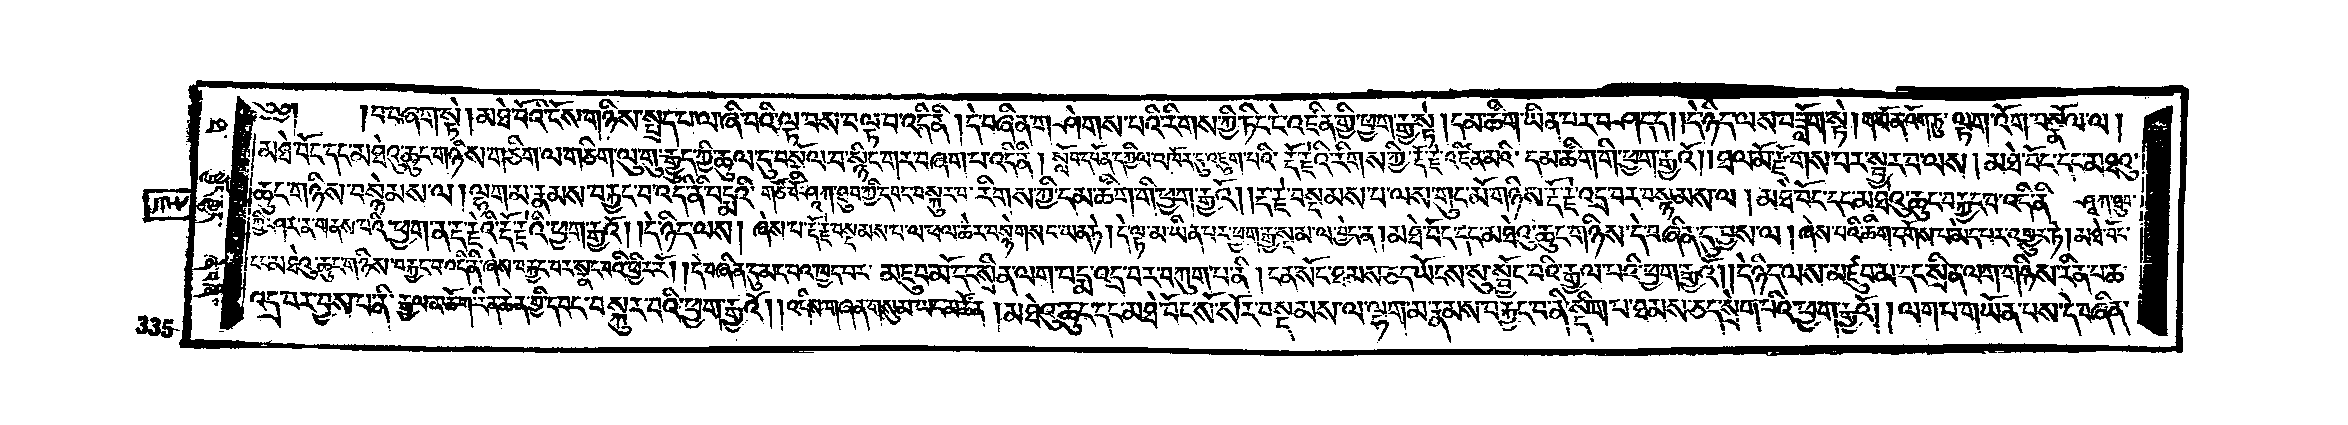༄༅། །པ་བཞག་སྟེ། མཐེ་བོའི་ངོས་གཉིས་སྤྲད་པ་ལ་ཞི་བའི་ལྟ་བས་བལྟ་བ་འདི་ནི། དེ་བཞིན་གཤེགས་པའི་རིགས་ཀྱི་ཏིང་ངེ་འཛིན་གྱི་ཕྱག་རྒྱ་སྟེ། དམ་ཚིག་ཡིན་པར་བཤད་དེ། ?་།དེ་ཉིད་ལས་བཟློག་སྟེ། གཡོན་འོག་ཏུ་ལྟག་འོག་བསྣོལ་ལ།
མཐེ་བོང་དང་མཐེའུ་ཆུང་གཉིས་གཅིག་ལ་གཅིག་ལུ་གུ་རྒྱུད་ཀྱི་ཆུལ་དུ་བསྣོལ་བ་སྙིང་གར་བཞག་པ་འདི་ནི། སློབ་དཔོན་དཀྱིལ་འཁོར་དུ་འཇུག་པའི་རྡོ་རྗེའི་རིགས་ཀྱི་རྡོ་རྗེ་འཛིན་མའི་ད་ཚིག་གི་ཕྱག་རྒྱའོ། །ཐལ་མོ་རྫོགས་པར་སྦྱར་བ་ལས། མཐེ་བོང་དང་མཐའུ་
ཆུང་གཉིས་བསྙེམས་ལ། ལྷག་མ་རྣམས་བརྐྱང་བ་འདི་ནི་པདམའི་གཙོ་བོ་ཤཱཀ་ཐུབ་ཀྱི་དབང་བསྐུར་བ་རིགས་ཀྱི་དམ་ཚིག་གི་ཕྱག་རྒྱའོ། །རྡོ་རྗེ་བསྡམས་པ་ལས་གུང་མོ་གཉིས་རྡོ་རྗེ་འདྲ་བར་བསྙམས་ལ། མཐེ་བོང་དང་མཐེའུ་ཆུང་བརྐྱང་བ་འདི་ནི་ཤཱཀྱ་?་ཐུབ་
ཀྱི་ཤར་ན་གནས་པའི་ཕྱག་ན་རྡོ་རྗེའི་རྡོ་རྗེའི་ཕྱག་རྒྱའོ། །དེ་ཉིད་ལས། ཞེས་པ་རྡོ་རྗེ་བསྡམས་པ་ལ་ཕལ་ཆེར་བསྙེགས་པ་ཡིན་ཏེ། དེ་ལྟ་མ་ཡིན་པར་ཕྱག་རྒྱ་སྔ་མ་ལ་བྱེད་ན།  མཐེ་བོང་དང་མཐེའུ་ཆུང་གཉིས་དེ་བཞིན་དུ་བྱས་ལ། ཞེས་པའི་ཚིག་དགོས་པ་མེད་པར་འགྱུར་ཏེ། མཐེ་བོང་
དང་མཐེའུ་ཆུང་གཉིས་བརྐྱང་བ་འདི་ནི་ཞེས་བརྐྱང་བར་སྣང་བའི་ཕྱིར་རོ། །དེ་བཞིན་དུ་མང་བའི་ཁྱད་པར་མཇུབ་མོ་དང་སྲིན་ལག་པདམ་འདྲ་བར་བཀུག་པ་ནི། ངན་སོང་ཐམས་ཅད་ཡོངས་སུ་སྦྱོང་བའི་རྒྱལ་བའི་ཕྱག་རྒྱའོ། །དེ་ཉིད་ལས་མཛུབ་མ་དང་སྲིན་ལག་གཉིས་རིན་པོ་ཆེ་
འདྲ་བར་བྱས་པ་ནི་རྒྱལ་མཆོག་རིན་ཆེན་གྱི་དབང་བསྐུར་བའི་ཕྱག་རྒྱའོ། །འདིས་གཞན་གསུམ་ཡང་མཚོན།  མཐེའུ་ཆུང་དང་མཐེ་བོང་སོ་སོར་བསྡམས་ལ་ལྷག་མ་རྣམས་བརྐྱང་བ་ནི་སྡིག་པ་ཐམས་ཅད་སྲེག་པའི་ཕྱག་རྒྱའོ། །ལག་པ་གཡོན་པས་དེ་བཞིན་